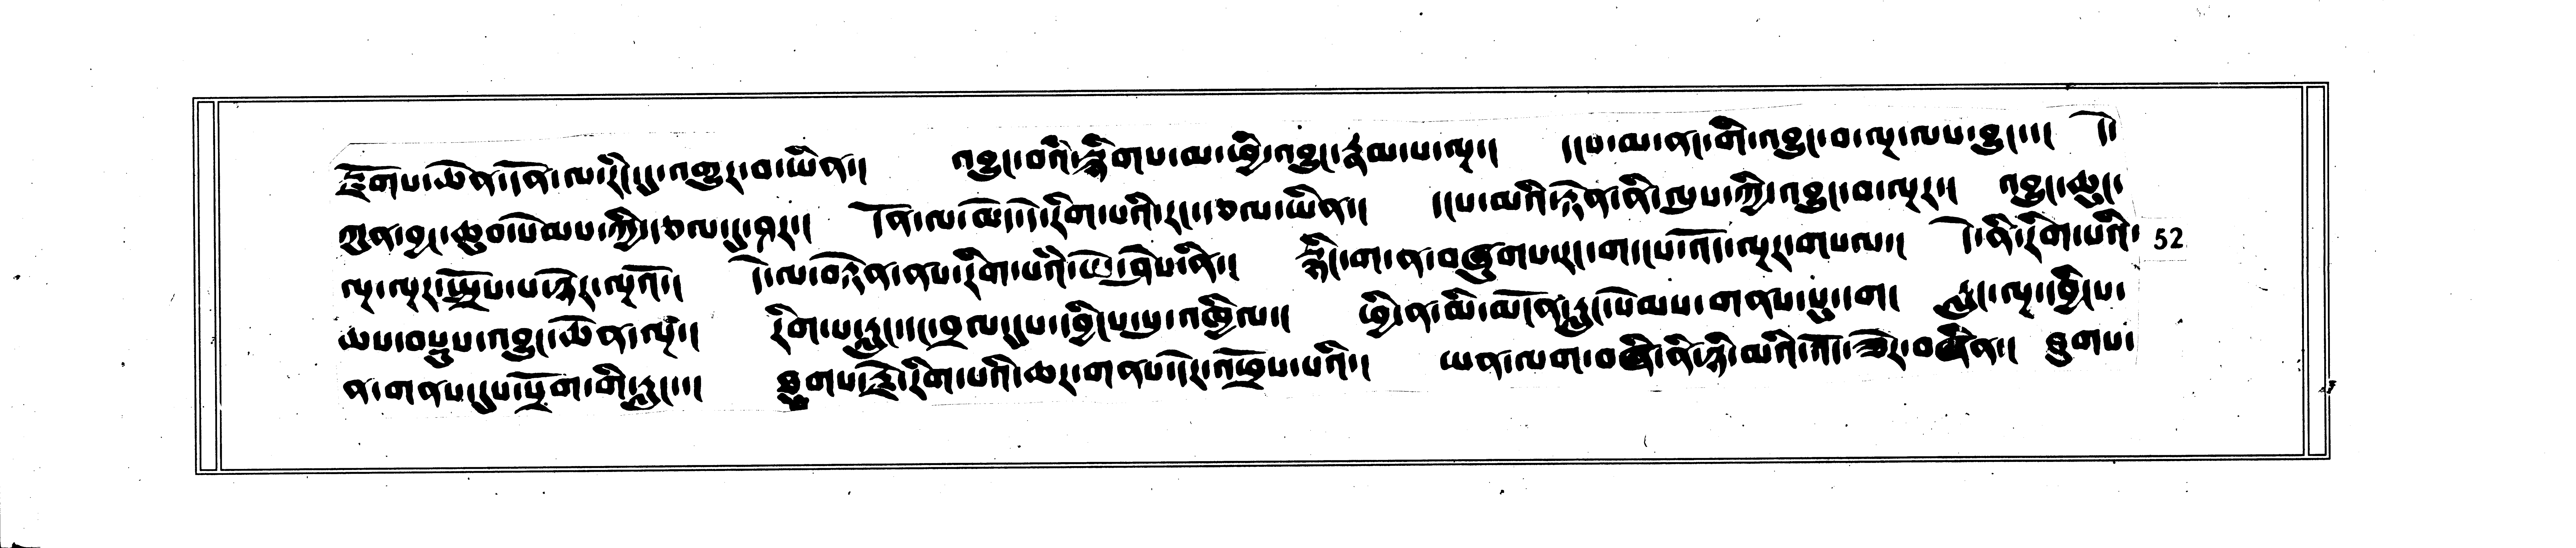རྫོགས་ཆེན་དོན་ལ་རིང་དུ་འགྱུར་བ་ཡིན། །འབྱུང་བའི་སྙིགས་མ་ཕྱི་འབྱུང་རྣམ་པ་ལྔ། །དངས་མ་ནང་གི་འབྱུང་བ་ལྔ་ལས་བྱུང་། །དེ་
ཀུན་བྱང་ཆུབ་སེམས་ཀྱི་རྩལ་དུ་ཤར། །དོན་ལ་མེད་དེ་རིག་པའི་རང་རྩལ་ཡིན། །དངས་མའི་རྟེན་ནི་ལུས་ཀྱི་འབྱུང་བ་ལྔར། །འབྱུང་ཆུང་
ལྔ་ལྔར་སྤྲོས་པ་ཉེར་ལྔའོ། །དེ་ལ་བརྟེན་ནས་རིག་པའི་ཡེ་ཤེས་ནི། །སྙིང་ག་ན་བཞུགས་རང་གདངས་འོད་ལྔར་གསལ། །དེ་ནི་རིག་པའི་
ཆས་བསྡུས་འབྱུང་ཆེན་ལྔ། །རིག་པ་རླུང་དང་བྲལ་དུས་དབྱིངས་སུ་འཁྱིལ། །ཕྱི་ན་མི་མངོན་རླུང་སེམས་གནས་སུ་དག །རླུང་ལྔ་དབྱིངས་
ན་གནས་དུས་སྲོག་གི་རླུང་། །ཐུགས་རྗེ་རིག་པའི་ཆར་གནས་དེར་འཕྲོས་པའི། །ཡན་ལག་བཞི་ནི་ཉི་མའི་འོད་ཟེར་བཞིན། །ཐུགས་